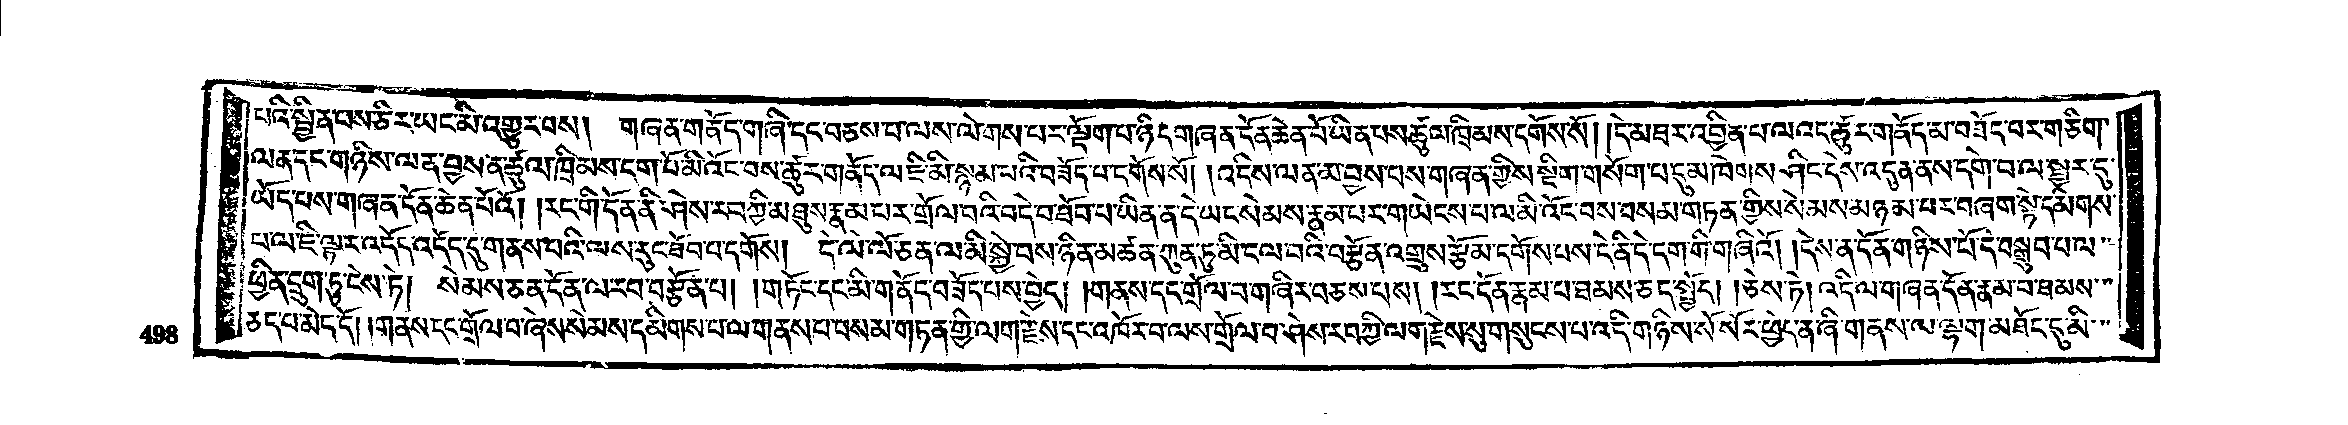པའི་སྦྱིན་པས་ཅིར་ཡང་མི་འགྱུར་བས། གཞན་གནོད་གཞི་དང་བཅས་པ་ལས་ལེགས་པར་ལྡོག་པ་ཉིད་གཞན་དོན་ཆེན་པོ་ཡིན་པས་ཚུལ་ཁྲིམས་དགོས་སོ། །དེ་མཐར་འབྱིན་པ་ལའང་ཚུར་གནོད་མ་བཟོད་པར་གཅིག་
ལན་དང་གཉིས་ལན་བྱས་ན་ཚུལ་ཁྲིམས་དག་པོ་མི་འོང་བས་ཚུར་གནོད་ལ་ཇི་མི་སྙམ་པའི་བཟོད་པ་དགོས་སོ། །འདིས་ལན་མ་བྱས་པས་གཞན་གྱིས་སྡིག་གསོག་པ་དུ་མ་ཁེགས་ཤིང་དེས་འདུན་ནས་དགེ་བ་ལ་སྦྱར་དུ་
ཡོད་པས་གཞན་དོན་ཆེན་པོའོ། །རང་གི་དོན་ནི་ཤེས་རབ་ཀྱི་མཐུས་རྣམ་པར་གྲོལ་བའི་བདེ་བ་ཐོབ་པ་ཡིན་ན་དེ་ཡང་སེམས་རྣམ་པར་གཡེངས་པ་ལ་མི་འོང་བས་བསམ་གཏན་གྱིས་སེམས་མཉམ་པར་བཞག་སྟེ་དམིགས་
པ་ལ་ཇི་ལྟར་འདོད་འདོད་དུ་གནས་པའི་ལས་རུང་ཐོབ་པ་དགོས། དེ་ལེ་ལོ་ཅན་ལ་མི་སྐྱེ་བས་ཉིན་མཚན་ཀུན་ཏུ་མི་ངལ་བའི་བརྩོན་འགྲུས་རྩོམ་དགོས་པས་དེ་ནི་དེ་དག་གི་གཞིའོ། །དེས་ན་དོན་གཉིས་པོ་དེ་བསྒྲུབ་པ་ལ་
ཕྱིན་དྲུག་ཏུ་ངེས་ཏེ། སེམས་ཅན་དོན་ལ་རབ་བརྩོན་པ། །གཏོང་དང་མི་གནོད་བཟོད་པས་བྱེད། །གནས་དང་གྲོལ་བ་གཞིར་བཅས་པས། །རང་དོན་རྣམ་པ་ཐམས་ཅད་སྤྱོད། །ཅེས་ཏེ། འདི་ལ་གཞན་དོན་རྣམ་པ་ཐམས་
ཅད་པ་མེད་དོ། །གནས་དང་གྲོལ་བ་ཞེས་སེམས་དམིགས་པ་ལ་གནས་པ་བསམ་གཏན་གྱི་ལག་རྗེས་དང་འཁོར་བ་ལས་གྲོལ་བ་ཤེས་རབ་ཀྱི་ལག་རྗེས་སུ་གསུངས་པ་འདི་གཉིས་སོ་སོར་ཕྱེད་ན་ཞི་གནས་ལ་ལྷག་མཐོང་དུ་མི་